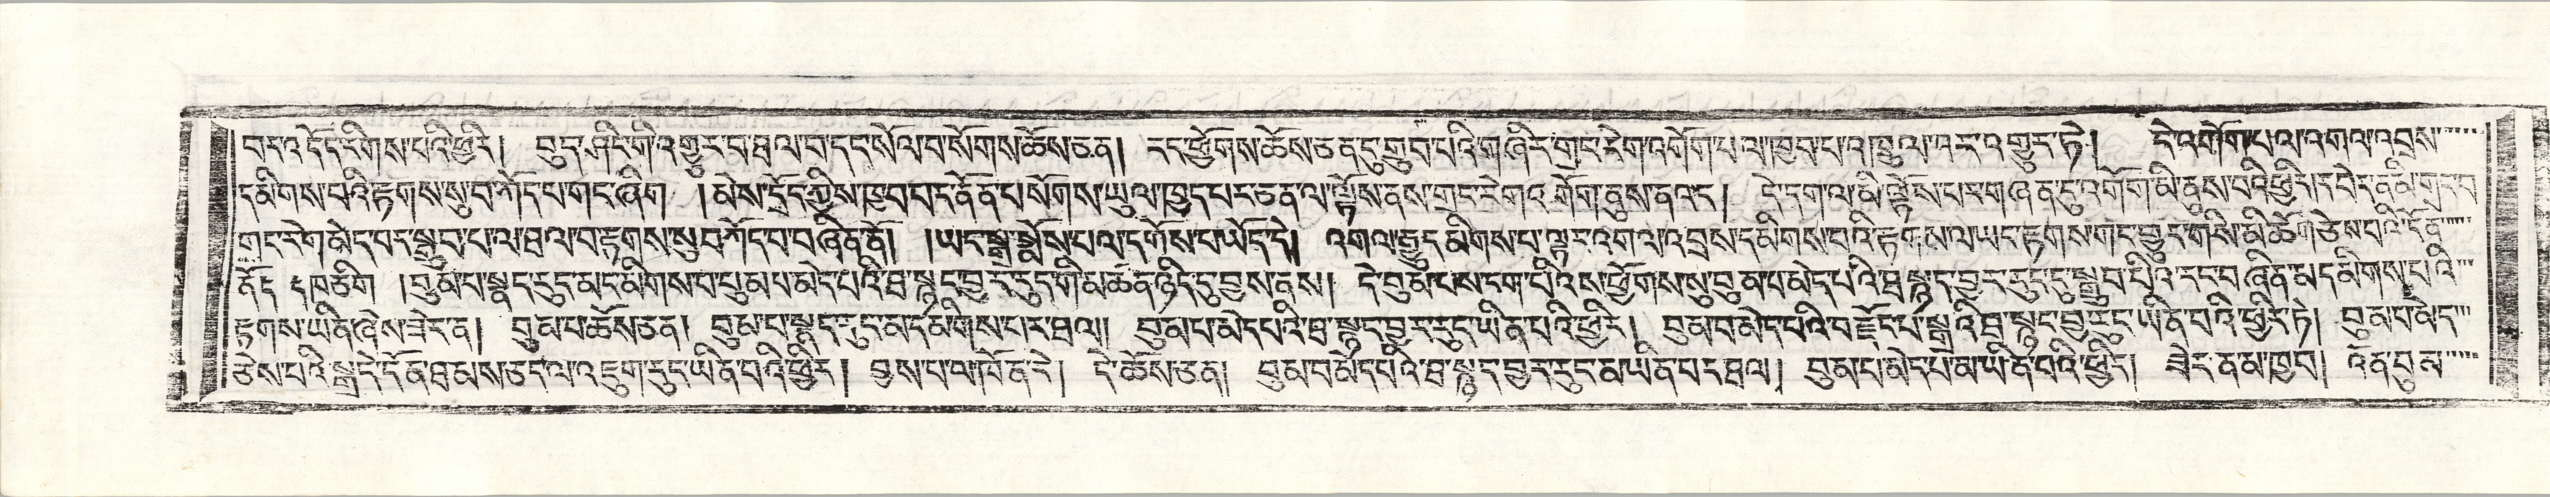པར་འདོད་རིགས་པའི་ཕྱིར། བུད་ཤིང་གི་འགྱུར་བ་ཐལ་བ་དང་སོལ་བ་སོགས་ཆོས་ཅན། རང་ཕྱོགས་ཆོས་ཅན་དུ་གྲུབ་པའི་གཞིར་གྲང་རེག་འགོག་པ་ལ་ཁྱབ་པ་འཁྲུལ་བར་འགྱུར་ཏེ། དེ་འགོག་པ་ལ་འགལ་འབྲས་
དམིགས་པའི་རྟགས་སུ་བཀོད་པ་གང་ཞིག །མེས་དྲོད་ཀྱིས་ཁྱབ་པར་ནོན་པ་སོགས་ཡུལ་ཁྱད་པར་ཅན་ལ་ལྟོས་ནས་གྲང་རེག་འགོག་ནུས་ནའང་། དེ་དག་ལ་མི་ལྟོས་པར་གཞན་དུ་འགོག་མི་ནུས་པའི་ཕྱིར། དཔེར་ན་མི་གྲང་བ་
གྲང་རེག་མེད་པར་སྒྲུབ་པ་ལ་ཐལ་བ་རྟགས་སུ་བཀོད་པ་བཞིན་ནོ། །ཡང་སྒྲ་སྨོས་པ་ལ་དགོས་པ་ཡོད་དེ། འགལ་རྒྱུ་དམིགས་པ་ལྟར་འགལ་འབྲས་དམིགས་པའི་རྟགས་ལ་ཡང་རྟགས་གང་བྱུང་གིས་མི་ཆོག་ཅེས་པའི་དོན་
ནོ། །ཁ་ཅིག་བུམ་པ་སྣང་རུང་མ་དམིགས་པ་བུམ་པ་མེད་པའི་ཐ་སྙད་བྱར་རུང་གི་མཚན་ཉིད་བྱས་ནས། དེ་བུམ་པས་དག་པའི་ས་ཕྱོགས་སུ་བུམ་པ་མེད་པའི་ཐ་སྙད་བྱར་རུང་དུ་སྒྲུབ་པའི་རང་བཞིན་མ་དམིགས་པའི་
རྟགས་ཡིན་ཞེས་ཟེར་ན། བུམ་པ་ཆོས་ཅན། བུམ་པ་སྣང་རུང་མ་དམིགས་པར་ཐལ། བུམ་པ་མེད་པའི་ཐ་སྙད་བྱར་རུང་ཡིན་པའི་ཕྱིར། བུམ་པ་མེད་པའི་བརྗོད་པ་སྒྲའི་ཐ་སྙད་བྱ་རུང་ཡིན་པའི་ཕྱིར་ཏེ། བུམ་པ་མེད་
ཅེས་པའི་སྒྲ་དེ་དོན་ཐམས་ཅད་ལ་འཇུག་རུང་ཡིན་པའི་ཕྱིར། བྱས་པ་ལ་ཁོ་ན་རེ། དེ་ཆོས་ཅན། བུམ་པ་མེད་པའི་ཐ་སྙད་བྱར་རུང་མ་ཡིན་པར་ཐལ། བུམ་པ་མེད་པ་མ་ཡིན་པའི་ཕྱིར། ཟེར་ན་མ་ཁྱབ། འོ་ན་བུམ་